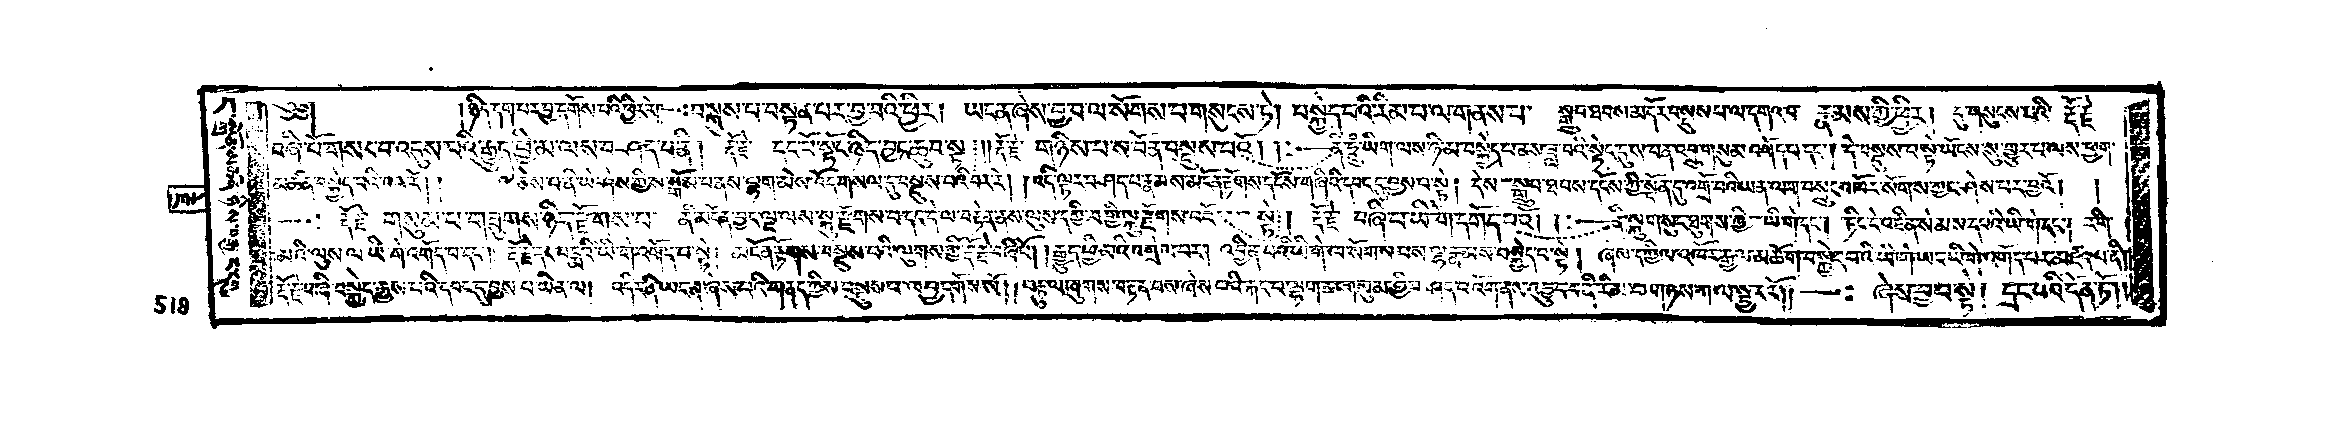༄༅། །ཉིད་དག་པར་བྱ་དགོས་པའི་ཕྱིར་རོ།། བསྡུས་པ་བསྟན་པར་བྱ་བའི་ཕྱིར། ཡང་ན་ཞེས་བྱ་བ་ལ་སོགས་པ་གསུངས་ཏེ། བསྐྱེད་པའི་རིམ་པ་ལ་གནས་པ་སྒྲུབ་ཐབས་མདོར་བསྡུས་པ་ལ་དགའ་བ་རྣམས་ཀྱི་ཕྱིར། དུ་གསུངས་པའི། རྡོ་རྗེ་
བཞི་པོ་གསང་བ་འདུས་པའི་རྒྱུད་ཕྱི་མ་ལས་བཤད་པ་ནི། རྡོ་རྗེ་དང་པོ་སྟོང་ཉིད་བྱང་ཆུབ་སྟེ། །རྡོ་རྗེ་གཉིས་པ་ས་བོན་བསྡུས་པའོ། །ནི་ཧཱུཾ་ཡིག་ལས་ཉི་མ་བསྐྱེད་པ་ནས་ཟླ་བའི་སྟེང་དུ་ས་བོན་འབྲུ་གསུམ་འགོད་པ་དང་། དེ་བསྡུས་པ་སྟེ་ཡོངས་སུ་གྱུར་པ་ལས་ཕྱག་
མཚན་བསྐྱེད་པའི་བར་རོ།། ༧ཅེས་པ་ནི་ཡེ་ཤེས་ཀྱི་ས་སྒོམ་པ་ནས་ལྷག་མོས་འོད་གསལ་དུ་བསྡུས་པའི་བར་རོ། །འདི་ལྟར་བཤད་པ་རྣམས་མངོན་རྟོགས་དངོས་གཞིའི་དབང་དུ་བྱས་པ་སྟེ། དེས་སྒྲུབ་ཐབས་དངོས་ཀྱི་སྔོན་དུ་འགྲོ་བའི་ཡན་ལག་བསྲུང་འཁོར་སོགས་ཀྱང་ཤེས་པར་བྱའོ། །
རྡོ་རྗེ་གསུམ་པ་གཟུགས་ཉིད་རྫོགས་པ་ནི་མངོན་བྱང་ལྔ་ལས་སྐུ་རྫོགས་པ་དང་དེ་ལ་བརྟེན་ནས་ལུས་དཀྱིལ་གྱི་སྐུ་རྫོགས་པའོ་སྟེ། རྡོ་རྗེ་བཞི་པ་ཡི་གེ་དགོད་པའོ། །ནི་སྐུ་གསུང་ཐུགས་ཀྱི་ཡི་གེ་དང་། ཏིང་ངེ་འཛིན་སེམས་དཔའི་ཡི་གེ་དང་། རིག་
མའི་ལུས་ལ་ཡི་གེ་འགོད་པ་དང་། རྡོ་རྗེ་དང་པདམའི་ཡི་གེ་འགོད་པ་སྟེ། མངོན་རྟོགས་བསྡུས་པའི་ལུགས་ཀྱི་རྡོ་རྗེ་བཞིའོ། །རྒྱུད་ཕྱི་མའི་འགྲེལ་པར། འབྱིན་པའི་ཡི་གེ་ལ་སོགས་པས་ལྷ་རྣམས་བསྐྱེད་པ་སྟེ། ཞེས་དཀྱིལ་འཁོར་རྒྱལ་མཆོག་བསྐྱེད་པའི་ཡི་གེ་ཡང་ཡི་གེ་འགོད་པར་མཛད་པ་ནི།
རྡོ་རྗེ་བཞི་བསྐྱེད་རྒྱས་པའི་དབང་དུ་བྱས་པ་ཡིན་ལ། འདིར་ནི་ཡང་ན་ཞེས་པའི་གནད་ཀྱིས་བསྡུས་པ་ལ་བྱ་དགོས་སོ། །བརྟུལ་ཞུགས་བརྟན་པས་ཞེས་པའི་རྐང་པ་ལྷག་མ་གསུམ་གྱི་བཤད་པ་འོག་ནས་འབྱུང་བ་ནི་རིམ་པ་གཉིས་ཀ་ལ་སྦྱར་རོ།། ཞེས་བྱ་བ་སྟེ། དྲང་བའི་དོན་ཏོ།།